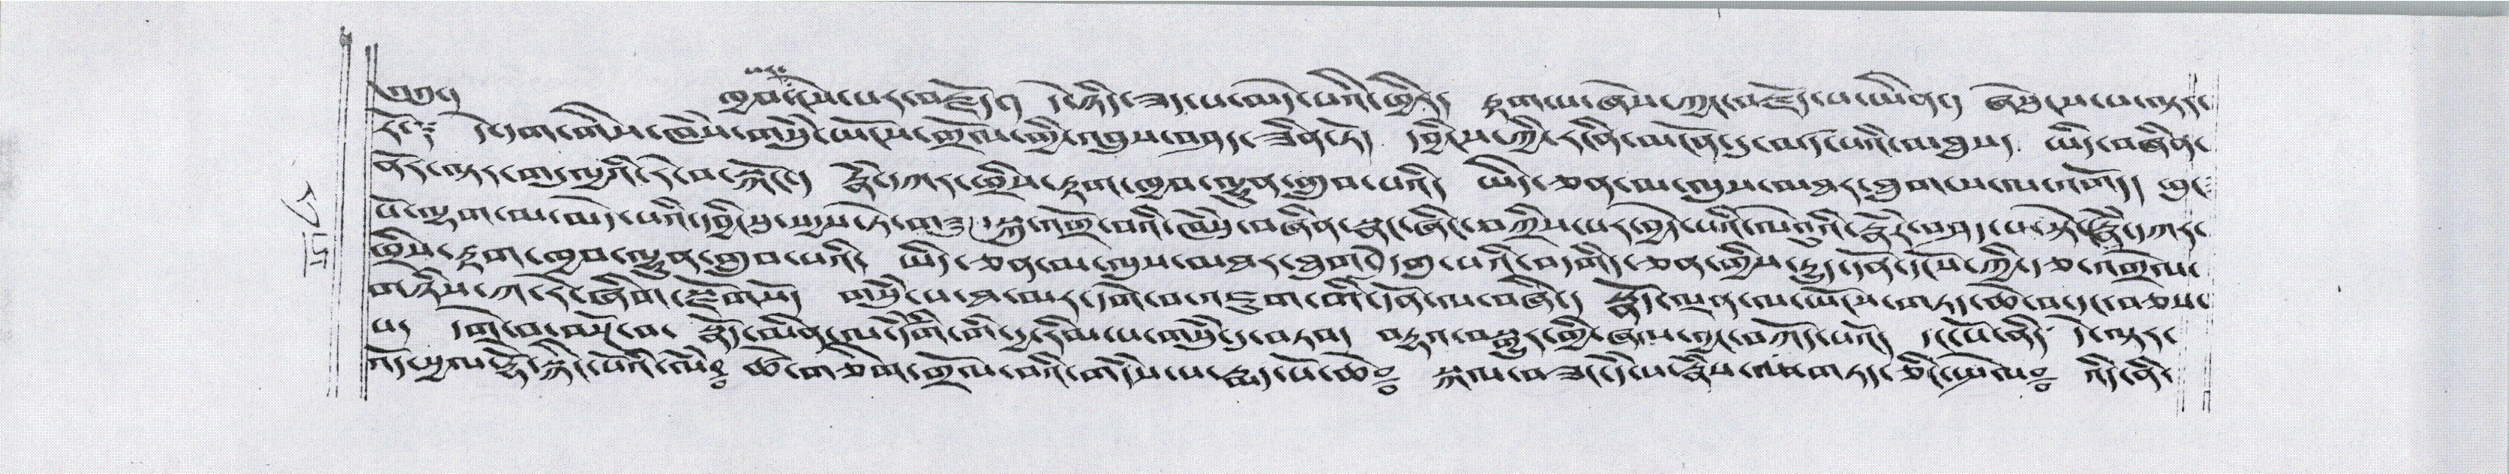ཁྱབ་པའི་ངེས་པར་བརྗོད། དེ་ཉིད་ཟད་པ་མེད་པའི་ཕྱིར། རྟག་པ་ཞེས་ཀྱང་བརྗོད་པ་ཡིན། ཞེས་གསུངས་པ་ལྟར་
རོ། དེ་དག་གིས་ཁམས་གསུམ་ཡོངས་གྲོལ་གྱི་འབྲས་བུར་བཤད་ཟིན་ཏོ། དབྱིངས་ཀྱི་རང་བཞིན་མངོན་དུ་མཛད་པའི་མཐུས། ཡིད་བཞིན་
ནོར་ལྟར་གདུལ་བྱའི་རེ་བ་སྐོང་། རྣམ་དཀར་ཕྲིན་ལས་རྟག་ཁྱབ་ལྷུན་གྲུབ་པའི། ཡིད་ཅན་མ་ལུས་མཐར་ཐུག་ས་ལ་འགོད། ཕུང་
པོ་ལྷག་མ་མེད་པའི་དབྱིངས་སུ་སངས་རྒྱས་ཏེ་གཟུགས་སྐུ་འགྲོ་བའི་ཁམས་སུ་བཞིན་སྣང་ཞིང་བཀྲ་ཤིས་པར་བྱེད་པའི་ལེའུའི་རྣམ་པར་བཤད་པ་སྟེ་
གཉིས་ཀ་རེ་ཞིག་རྫོགས་སོ། གསུམ་པ་ཐ་མར་དགེ་བ་མཇུག་གི་དོན་ལ་བཞི། སྣོད་ལྡན་ལ་ཡོངས་གཏད་ཆེ་བ་དང་བཅས་
པ། དགེ་བ་བསྔོ་བ། སྣོད་མིན་ལ་དམ་ཚིག་གི་རྒྱ་རིམ་པ་གསུམ་དུ་བཏབ། བརྡ་སྒྱུར་གྱི་ཞལ་བྱང་བཀོད་པའོ། དང་པོ་ནི། དེ་ལྟར་
འོད་གསལ་རྡོ་རྗེ་སྙིང་པོའི་ལམཿ ཚེ་གཅིག་གྲོལ་བའི་གདམས་པ་རྨད་པོ་ཆེཿ སྐལ་བཟང་དམ་པ་རྣམས་ལ་གཏད་ཅིང་སྤེལཿ འདི་ནི་